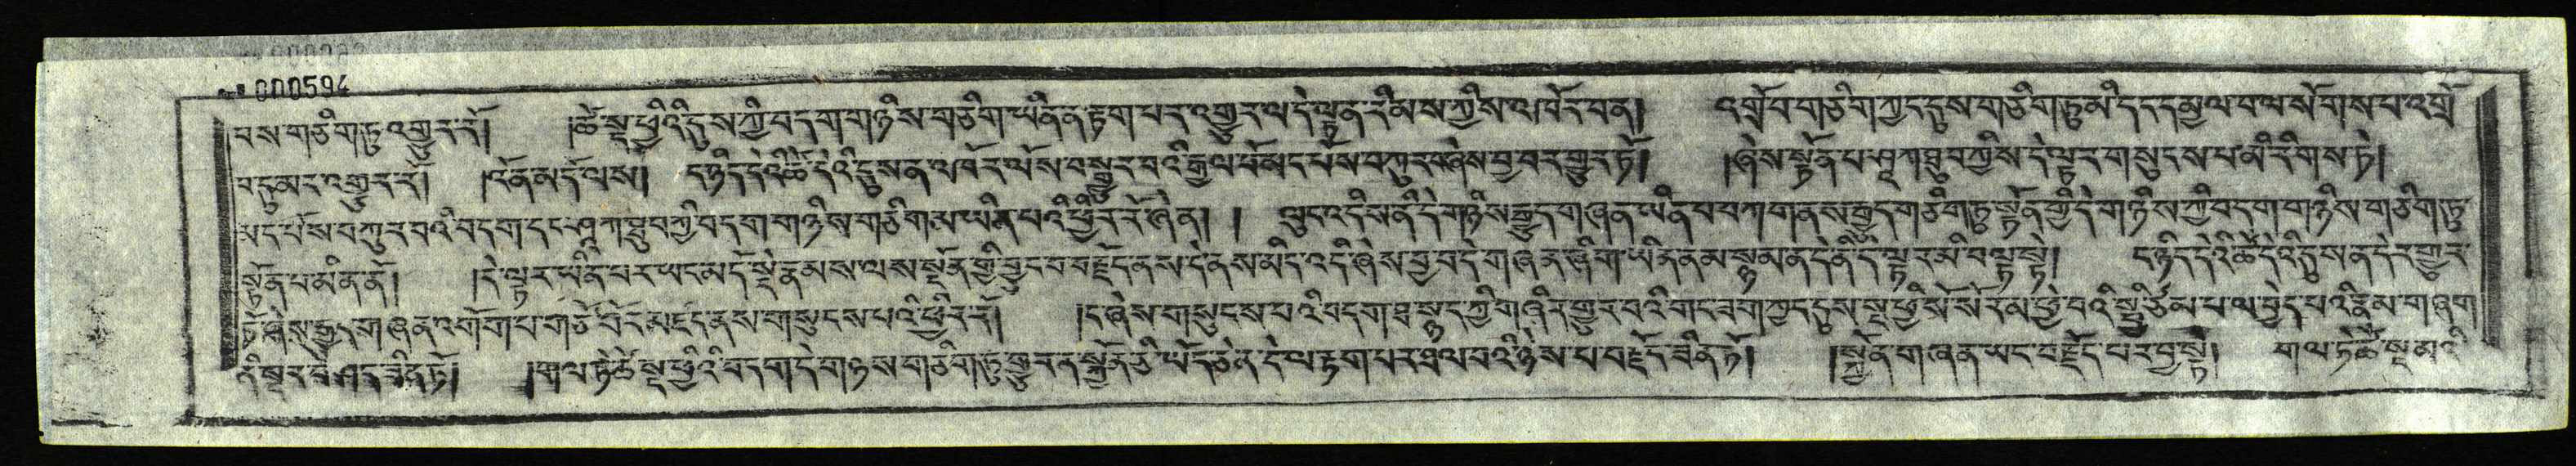པས་གཅིག་ཏུ་འགྱུར་རོ། །ཚེ་སྔ་ཕྱིའི་དུས་ཀྱི་བདག་གཉིས་གཅིག་ཡིན་ན་རྟག་པར་འགྱུར་ལ་དེ་ལྟ་ན་རིམས་ཀྱིས་འཁོར་བ་ན། འགྲོ་བ་གཅིག་ཀྱང་དུས་གཅིག་ཏུ་མི་དད་དམྱལ་བ་ལ་སོགས་པ་འགྲོ་
བ་དུ་མར་འགྱུར་རོ། །འོ་ན་མདོ་ལས། ང་ཉིད་དེའི་ཚེ་དེའི་དུས་ན་འཁོར་ལོས་བསྒྱུར་བའི་རྒྱལ་པོ་མང་པོས་བཀུར་བ་ཞེས་བྱ་བར་གྱུར་ཏོ། །ཞེས་སྟོན་པ་ཤཱཀ་ཐུབ་ཀྱིས་དེ་ལྟར་གསུངས་པ་མི་རིགས་ཏེ།
མང་པོས་བཀུར་བའི་བདག་དང་ཤཱཀ་ཐུབ་ཀྱི་བདག་གཉིས་གཅིག་མ་ཡིན་པའི་ཕྱིར་རོ་ཞེ་ན། །ལུང་འདིས་ནི་དེ་གཉིས་རྒྱུད་གཞན་ཡིན་པ་བཀག་ནས་རྒྱུད་གཅིག་ཏུ་སྟོན་གྱི་དེ་གཉིས་ཀྱི་བདག་གཉིས་གཅིག་ཏུ་
སྟོན་པ་མིན་ནོ། །དེ་ལྟར་ཡིན་པར་ཡང་མདོ་སྡེ་རྣམས་ལས་སྔོན་གྱི་བྱུང་བ་བརྗོད་ནས་དེ་ནས་མིང་འདི་ཞེས་བྱ་བ་དེ་གཞན་ཞིག་ཡིན་ནམ་སྙམ་ན་དེ་ནི་དེ་ལྟར་མི་བལྟ་སྟེ། ང་ཉིད་དེའི་ཚེ་དེའི་དུས་ན་དེར་གྱུར་
ཏོ་ཞེས་རྒྱུད་གཞན་འགོག་པ་གཙོ་བོར་མཛད་ནས་གསུངས་པའི་ཕྱིར་རོ། །ང་ཞེས་གསུངས་པའི་བདག་ཐ་སྙད་ཀྱི་གཞིར་གྱུར་པའི་གང་ཟག་ཀྱང་དུས་སྔ་ཕྱི་སོ་སོར་མ་ཕྱེ་བའི་སྤྱི་ཙམ་པ་ལ་བྱེད་པའི་རྣམ་གཞག་
ནི་སྔར་བཤད་ཟིན་ཏོ། །གལ་ཏེ་ཚེ་སྔ་ཕྱིའི་བདག་དེ་གཉིས་གཅིག་ཏུ་གྱུར་ན་སྐྱོན་ཅི་ཡོད་ཅེ་ན་དེ་ལ་རྟག་པར་ཐལ་བའི་ཉེས་པ་བརྗོད་ཟིན་ཏོ། །སྐྱོན་གཞན་ཡང་བརྗོད་པར་བྱ་སྟེ། གལ་ཏེ་ཚེ་སྔ་མའི་